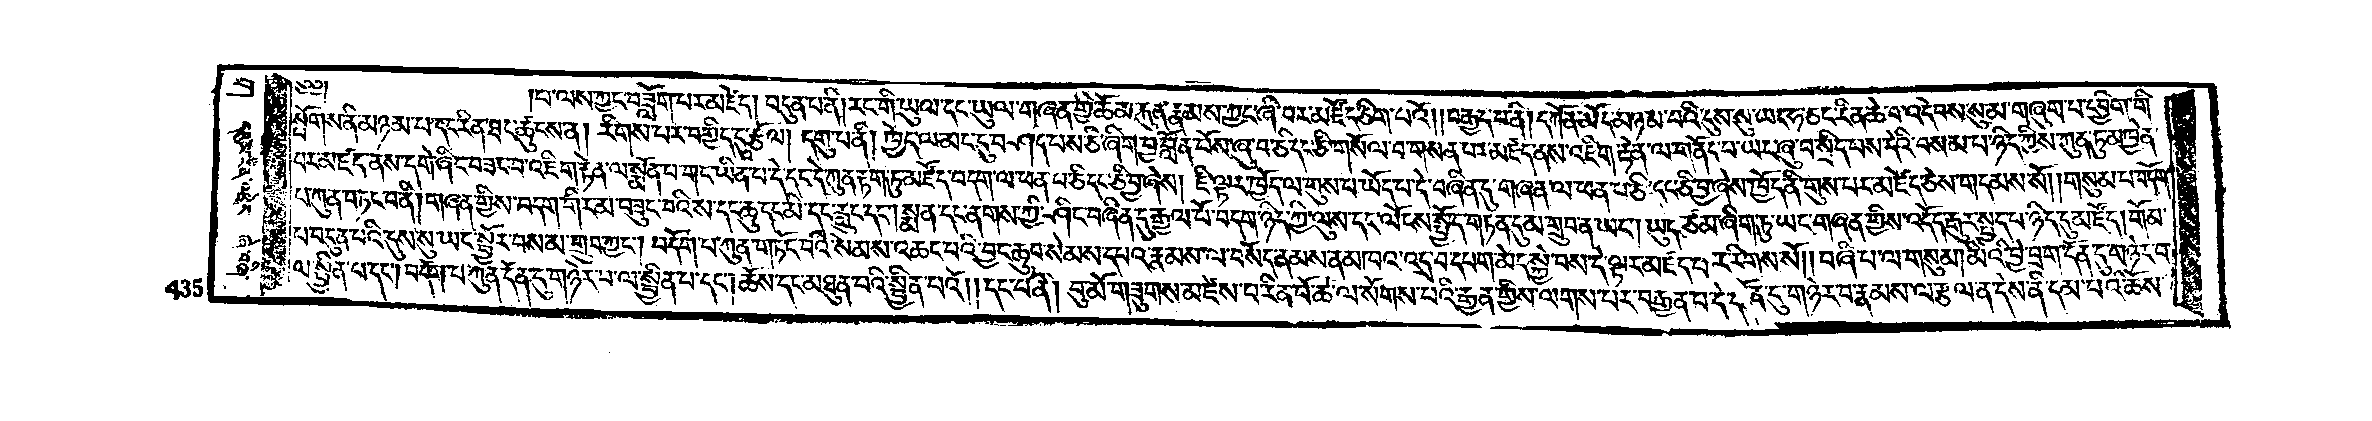༄༅། །པ་ལས་ཀྱང་བཟློག་པར་མཛོད། བདུན་པ་ནི། རང་གི་ཡུལ་དང་ཡུལ་གཞན་གྱི་ཆོམ་རྐུན་རྣམས་ཀྱང་ཞི་བར་མཛོད་ཅིག་པའོ། །བརྒྱད་པ་ནི། དཀོན་མོད་མཉམ་པའི་དུས་སུ་ཡང་ཧ་ཅང་རིན་ཆེ་བ་འདེབས་སུ་མ་གཞུག་པ་དབྱིག་གི་
སྤོགས་ནི་མཉམ་པ་དང་རིན་ཐང་ཚུངས་ན། རིགས་པར་བགྱིད་དུ་རྩོལ། དགུ་པ་ནི། ཁྱེད་ལ་མང་དུ་བཤད་པས་ཅི་ཞིག་བྱ་བློན་པོས་ཞུ་བ་ཅི་དང་ཅི་གསོལ་བ་གནས་པར་མཛད་ནས་འཇིག་རྟེན་ལ་གནོད་པ་ཡང་ཞུ་བ་སྲིད་པས་དེའི་བསམ་པ་ཉིད་ཀྱིས་ཀུན་ཏུ་མཁྱེན་
པར་མཛད་ནས་དགེ་ཞིང་བཟང་བ་འཇིག་རྟེན་ལ་སྨོན་པ་གང་ཡིན་པ་དེ་དང་དེ་ཀུན་རྟག་ཏུ་མཛོད་པ་དག་ལ་ཕན་པ་ཅི་དང་ཅི་བྱ་ཞེས། ཇི་ལྟར་ཁྱོད་ལ་གུས་པ་ཡོད་པ་དེ་བཞིན་དུ་གཞན་ལ་ཕན་པ་ཅི་དང་ཅི་བྱ་ཞེས་ཁྱོད་ནི་གུས་པར་མཛོད་ཅེས་གདམས་སོ། །གསུམ་པ་བདོག་
པ་ཀུན་བཏང་བ་ནི། གཞན་གྱིས་བདག་གིར་མ་བཟུང་བའི་ས་དང་ཆུ་དང་མི་དང་རླུང་དང་། སྨན་དང་ནགས་ཀྱི་ཤིང་བཞིན་དུ་རྒྱལ་པོ་བདག་ཉིད་ཀྱི་ལུས་དང་ལོངས་སྤྱོད་གཏན་དུ་མ་གྲུབ་ན་ཡང་། ཡུད་ཙམ་ཞིག་ཏུ་ཡང་གཞན་གྱིས་འདོད་རྒུར་སྤྱད་པ་ཉིད་དུ་མཛོད། གོམ་
པ་བདུན་པའི་དུས་སུ་ཡང་སྦྱོར་བས་མ་གྲུབ་ཀྱང་། བདོག་པ་ཀུན་གཏོང་བའི་སེམས་འཚང་བའི་བྱང་ཆུབ་སེམས་དཔའ་རྣམས་ལ་བསོད་ནམས་ནམ་མཁའ་འདྲ་བ་དཔག་མེད་སྐྱེ་བས་དེ་ལྟར་མཛད་པར་རིགས་སོ། །བཞི་པ་ལ་གསུམ། མིའི་བྱེ་བྲག་དོན་དུ་གཉེར་བ་
ལ་སྦྱིན་པ་དང་། བདོག་པ་ཀུན་དོན་དུ་གཉེར་པ་ལ་སྦྱིན་པ་དང་། ཆོས་དང་མཐུན་པའི་སྦྱིན་པའོ། །དང་པོ་ནི། བུ་མོ་གཟུགས་མཛེས་པ་རིན་པོ་ཆེ་ལ་སོགས་པའི་རྒྱན་གྱིས་ལགས་པར་བརྒྱན་པ་དེ་དོན་དུ་གཉེར་བ་རྣམས་ལ་རྩལ་ན་དེས་ནི་དམ་པའི་ཆོས་